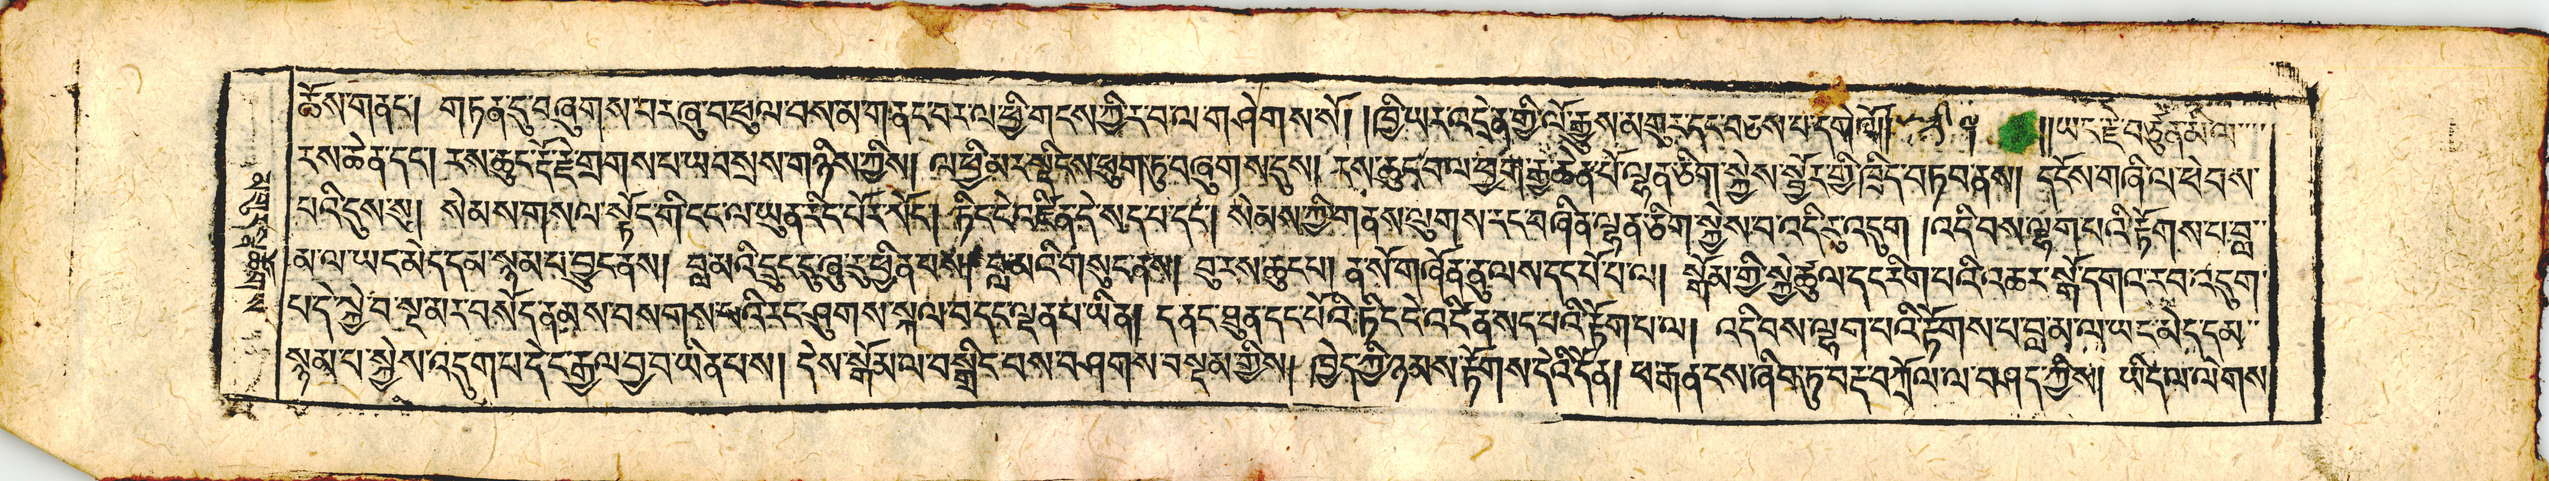ཆོས་གནང་། གཏན་དུ་བཞུགས་བར་ཞུ་བ་ཕུལ་བས་མ་གནང་བར་ལ་ཕྱི་གངས་ཀྱི་རྭ་བ་ལ་གཤེགས་སོ། །ཁྱི་ཡར་འདྲེན་གྱི་ལོ་རྒྱུས་མགུར་དང་བཅས་པ་དགེ་ལོ།། ༈ །།ཡང་རྗེ་བཙུན་མི་ལ་
རས་ཆེན་དང་། རས་ཆུང་རྡོ་རྗེ་གྲགས་པ་ཡབ་སྲས་གཉིས་ཀྱིས། ལ་ཕྱི་མར་སྡིངས་ཕུག་ཏུ་བཞུགས་དུས། རས་ཆུང་བ་ལ་ཕྱག་རྒྱ་ཆེན་པོ་ལྷན་ཅིག་སྐྱེས་སྦྱོར་གྱི་ཁྲིད་བཏབ་ནས། དངོས་གཞི་ལ་ཕེབས་
པའི་དུས་སུ། སེམས་གསལ་སྟོང་གི་ངང་ལ་ཡུན་རིང་པོར་དེངས། ཏིང་ངེ་འཛིན་དེ་སད་པ་དང་། སེམས་ཀྱི་གནས་ལུགས་རང་བཞིན་ལྷན་ཅིག་སྐྱེས་པ་འདི་རུ་འདུག །འདི་བས་ལྷག་པའི་རྟོགས་པ་བླ་
མ་ལ་ཡང་མེད་དམ་སྙམ་པ་བྱུང་ནས། བླ་མའི་དྲུང་དུ་ཞུ་རུ་ཕྱིན་པས། བླ་མའི་གསུང་ནས། བུ་རས་ཆུང་པ། ན་སོ་གཞོན་ནུ་ལས་དང་པོ་པ་ལ། སྒོམ་གྱི་སྐྱེ་ཚུལ་དང་རིག་པའི་འཆར་སྒོ་དགའ་རབ་འདུག་
པ་དེ་སྐྱེ་བ་སྔ་མར་བསོད་ནམས་བསགས་པའི་རང་ཤུགས་སྐལ་བ་དང་ལྡན་པ་ཡིན། ད་ནང་ཐུན་དང་པོའི་ཏིང་ངེ་འཛིན་སད་པའི་རྟོག་པ་ལ། འདི་བས་ལྷག་པའི་རྟོགས་པ་བླ་མ་ལ་ཡང་མེད་དམ་
སྙམ་པ་སྐྱེས་འདུག་པ་དེ་ང་རྒྱལ་བྱ་བ་ཡིན་པས། དེས་སྒོམ་ལ་བསྒྲིབ་པས་བཤགས་བསྡམ་གྱིས། ཁྱེད་ཀྱི་ཉམས་རྟོགས་དེའི་དོན། ཕ་རྒན་ངས་ཞིབ་ཏུ་བརྡ་བཀྲོལ་ལ་བཤད་ཀྱིས། ཡིད་ལ་ལེགས་